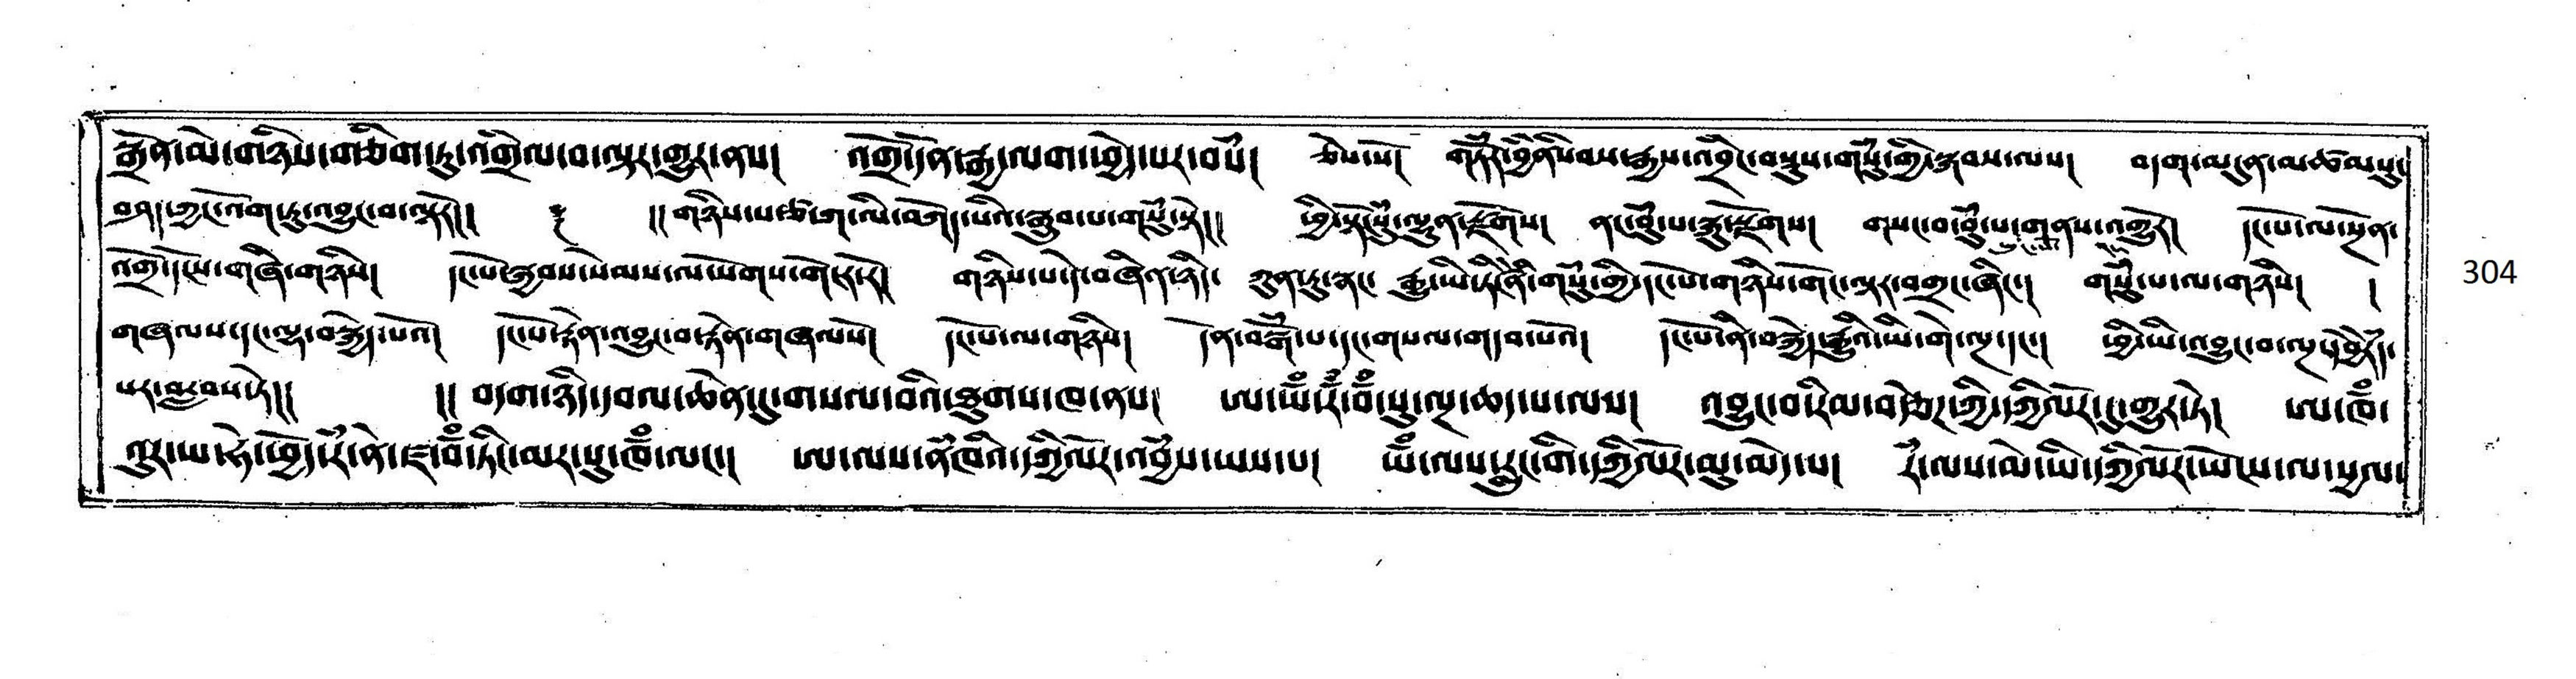སྒྲོན་མེ་གཉིས་གཅིག་ཏུ་འགྲིལ་བ་ལྟར་གྱུར་ནས། འགྲོ་དོན་རྒྱ་ལག་ཕྱེད་པར་བསམ། ཅེས་སོ། གཏོར་མ་བྱིན་གྱིས་རླབས་རྒྱས་འབྲིང་བསྡུས་གསུམ་གྱི་སྐབས་ལས། བདག་མདུན་མཚམས་སུ་
བཤད་ཀྱང་འོག་ཏུ་འབྱུང་བ་ལྟར་རོ།། ༈ །།གཉིས་པ་ཙ་ཀ་ལི་བཀོད་པའི་སྒྲུབ་པ་གསུམ་སྟེ།། ཕྱི་སྟོང་གསུམ་ལྷུན་རྫོགས། ནང་བུམ་པ་སྐུ་རྫོགས། གསང་བ་བུམ་པ་ཕུང་པོ་གནས་འགྱུར་རོ།དང་པོ་ལ་སྔོན་
འགྲོ་དངོས་གཞི་གཉིས། དང་པོ་སྐྱབས་སེམས་ལ་སོགས་གོང་ལྟར་རོ། གཉིས་པ་དེ་བཞིན་ཉིད་ཀུན་ཏུ་སྣང་རྒྱུ་ཡི་ཏིང་ངེ་འཛིན་གསུམ་གྱི་དང་པོ་གཉིས་གོང་ལྟར་བགྲང་ཞིང་། གསུམ་པ་ལ་གཉིས། 
གཞལ་ཡས་དང་ལྷ་བསྐྱེད་པའོ། དང་པོ་རྟེན་འབྱུང་བ་རྟེན་༼བརྟེན་པ་༽གཞལ་ཡས་སོ། དང་པོ་ལ་གཉིས། དོན་བསྒོམ་པ་དང་གསལ་གདབ་པའོ། དང་པོ་ནི་བསྐྱེད་རྒྱུའི་ཡི་གེ་ལྔ་དང་། ཕྱི་ཡི་འབྱུང་བ་ལྔ་དབྱེར་མེད་
པར་བརླབས་ཏེ།། །།བདག་ཉིད་དབལ་ཆེན་དུ་གསལ་བའི་ཐུགས་ཁ་ནས། ཨ་ཡྃ་རྃ་བྃ་སུ་ལྔ་ཆད་པ་ལས། འབྱུང་བ་རིམ་བརྩེགས་ཀྱི་དཀྱིལ་འཁོར་དུ་གྱུར་ཏེ། ཨ་ཁྃ་
འུར་ཡ་ཧེ་ཕྱོད་རཾ་ནེ་ཛ་བྃ་ཏིང་མར་སུ་ཁྃ་ལང་། ཨ་ལས་ནམ་མཁའི་དཀྱིལ་འཁོར་འབྱམས་ཡས་པ། ཡྃ་ལས་རླུང་གི་དཀྱིལ་འཁོར་མུ་མེད་པ། རཾ་ལས་མེ་ཡི་དཀྱིལ་འཁོར་ཡོངས་ལ་གསལ་